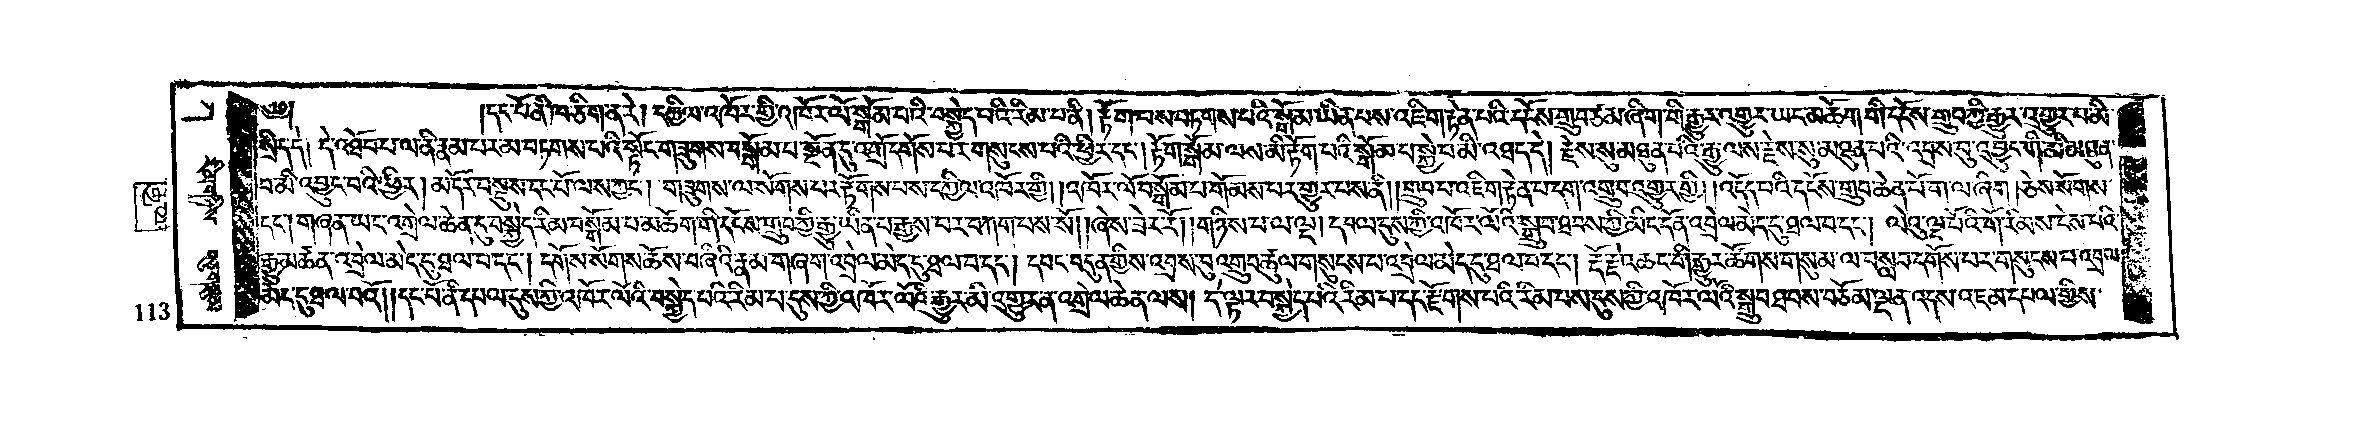༄༅། །དང་པོ་ནི་ཁ་ཅིག་ན་རེ། དཀྱིལ་འཁོར་གྱི་འཁོར་ལོ་སྒོམ་པའི་བསྐྱེད་པའི་རིམ་པ་ནི། རྟོག་པས་བཏགས་པའི་སྒོམ་ཡིན་པས་འཇིག་རྟེན་པའི་དངོས་གྲུབ་ཙམ་ཞིག་གི་རྒྱུར་འགྱུར་ཡང་མཆོག་གི་དངོས་གྲུབ་ཀྱི་རྒྱུར་འགྱུར་བ་མི་
སྲིད་དེ། དེ་འཐོབ་པ་ལ་ནི་རྣམ་པར་མ་བཏགས་པའི་སྟོང་གཟུགས་བསྒོམ་པ་སྔོན་དུ་འགྲོ་དགོས་པར་གསུངས་པའི་ཕྱིར་དང་། རྟོག་སྒོམ་ལས་མི་རྟོག་པའི་སྒོམ་པ་སྐྱེ་བ་མི་འཐད་དེ། རྗེས་སུ་མཐུན་པའི་རྒྱུ་ལས་རྗེས་སུ་མཐུན་པའི་འབྲས་བུ་འབྱུང་གི་མི་མཐུན་
པ་མི་འབྱུང་བའི་ཕྱིར། མདོར་བསྡུས་དང་པོ་ལས་ཀྱང་། གཟུགས་ལ་སོགས་པར་རྟོགས་པས་དཀྱིལ་འཁོར་གྱི། །འཁོར་ལོ་བསྒོམ་པ་གོམས་པར་གྱུར་པས་ནི། །གྲུབ་པ་འཇིག་རྟེན་པ་དག་འགྲུབ་འགྱུར་གྱི། །འདོད་པའི་དངོས་གྲུབ་ཆེན་པོ་ག་ལ་ཞིག །ཅེས་སོགས་
དང་། གཞན་ཡང་འགྲེལ་ཆེན་དུ་བསྐྱེད་རིམ་བསྒོམ་པ་མཆོག་གི་དངོས་གྲུབ་ཀྱི་རྒྱུ་ཡིན་པ་རྒྱས་པར་བཀག་པས་སོ། །ཞེས་ཟེར་རོ། །གཉིས་པ་ལ་ལྔ། དཔལ་དུས་ཀྱི་འཁོར་ལོའི་སྒྲུབ་ཐབས་ཀྱི་མིང་དོན་འབྲེལ་མེད་དུ་ཐལ་བ་དང་། ལེའུ་ལྔ་པོའི་གོ་རིམས་ངེས་པའི་
རྒྱུ་མཚན་འབྲེལ་མེད་དུ་ཐལ་བ་དང་། དགོས་སོགས་ཆོས་བཞིའི་རྣམ་གཞག་འབྲེལ་མེད་དུ་ཐལ་བ་དང་། དབང་བདུན་གྱིས་འབྲས་བུ་འགྲུབ་ཚུལ་གསུངས་པ་འབྲེལ་མེད་དུ་ཐལ་བ་དང་། རྡོ་རྗེ་འཆང་གི་རྒྱུར་ཚོགས་གསུམ་ལ་བསླབ་དགོས་པར་གསུངས་པ་འབྲལ་
མེད་དུ་ཐལ་བའོ། །དང་པོ་ནི་དཔལ་དུས་ཀྱི་འཁོར་ལོའི་བསྐྱེད་པའི་རིམ་པ་དུས་ཀྱི་འཁོར་ལོའི་རྒྱུར་མི་འགྱུར་ན་འགྲེལ་ཆེན་ལས། དེ་ལྟར་བསྐྱེད་པའི་རིམ་པ་དང་རྫོགས་པའི་རིམ་པས་དུས་ཀྱི་འཁོར་ལོའི་སྒྲུབ་ཐབས་བཅོམ་ལྡན་འདས་འཇམ་དཔལ་གྱིས་